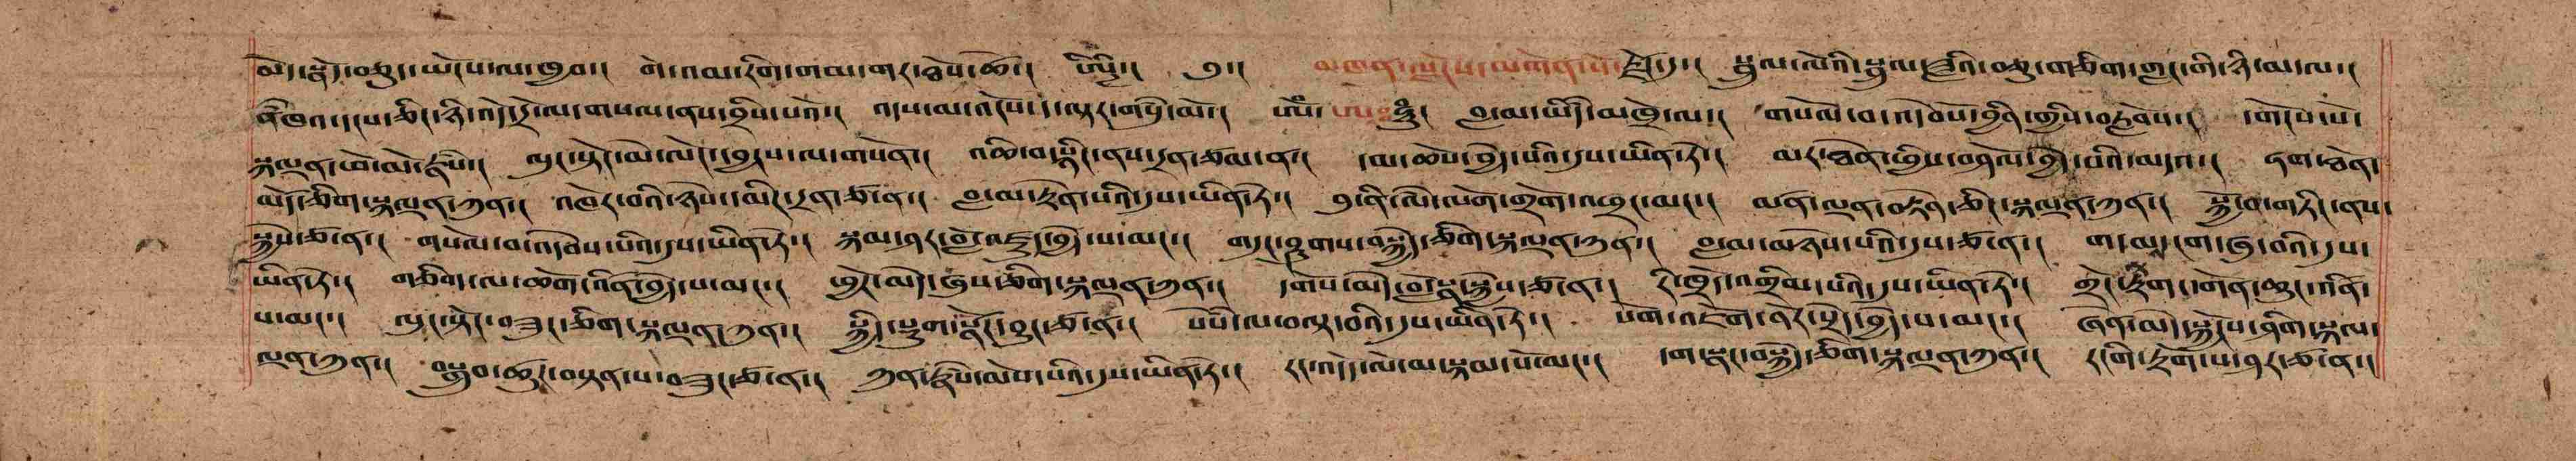མེད་སྣོད་བཅུད་ཡོངས་ལ་ཁྱབ། གེ་འམ་རིག་གམ་གར་ཐོས་ཚེ། ཨིཊི། ༄་། མཁན་ལྗོངས་མགོན་པོ་རྫོང་དུ། སྦྲུལ་ལོའི་སྦྲུལ་ཟླའི་བཅུ་གཅིག་གླང་གི་ཉི་མ་ལ། 
ནམ་མཁའ་དངས་ཅིང་ཉི་འོད་དྲོ་ལ་གསལ་ནས་བྲིས་པའོ། འདས་མ་འོངས་ད་ལྟར་གསུམ་མོ། ཨོཾ་ཨཱཿཧཱུཾ། བླ་མ་ཡི་དམ་མཁའ་འགྲོ་ལ། གསོལ་བ་འདེབས་སོ་བྱིན་གྱིས་བརློབས། དགོངས་སོ་
སྐལ་ལྡན་ཕོ་མོ་རྣམས། ལུང་སྟོང་མེ་ལོང་དབྱངས་ལ་གསོན། འཆི་བ་སྙིང་ནས་དྲན་ཙམ་ན། དམ་ཆོས་བྱེད་པའི་དུས་ཡིན་ཏེ། མར་ཐེན་ཕྱིས་བཤོལ་བྱེད་པའི་མདའ། ཞག་ཐོན་
མཛོད་ཅིག་སྐལ་ལྡན་ཀུན། འཁོར་བའི་ཉེས་དམིགས་དྲན་ཙ་ན། བླ་མ་རྟེན་པའི་དུས་ཡིན་ཏེ། བུ་ནི་ལམ་ལོག་གྲོག་འཕྲང་མང་། མཚན་ལྡན་བརྟེན་ཅིང་སྐལ་ལྡན་ཀུན། སྐྱོ་བ་གཏིང་ནས་
སྐྱེས་ཙ་ན། གསོལ་བ་འདེབས་པའི་དུས་ཡིན་ཏེ། སྐམ་ཤར་བློ་འཇུད་བྱེད་པ་མང་། གདུང་ཤུགས་བསྐྱེད་ཅིག་སྐལ་ལྡན་ཀུན། བླ་མ་མཉེས་པའི་དུས་ཙ་ན། གདམས་ངག་ཞུ་བའི་དུས་
ཡིན་ཏེ། གཅིག་ལ་ཆོག་འཛིན་བྱེད་པ་མང་། ཕྱོགས་མེད་ཞུས་ཅིག་སྐལ་ལྡན་ཀུན། དགོས་མེད་བློ་སྣ་སྐྱེས་ཙ་ན། རི་ཁྲོད་འགྲིམ་པའི་དུས་ཡིན་ཏེ། གྲོང་རྟག་དགོན་ཆུང་འཛིན་
པ་མང་། ལུང་སྟོང་བཟུང་གཅིག་སྐལ་ལྡན་ཀུན། སྐྱིད་སྡུག་སྣ་ཚོགས་བྱུང་ཙ་ན། སེམས་ལ་བལྟ་བའི་དུས་ཡིན་ཏེ། སོག་འཇོག་ནོར་སྲིད་བྱེད་པ་མང་། ཞེན་མེད་སྐྱོངས་ཤིག་སྐལ་
ལྡན་ཀུན། བསྒྲུབ་ཚུགས་བསྟན་པ་བཟུང་ཙ་ན། ཀུན་རྣམས་མོས་པའི་དུས་ཡིན་ཏེ། རང་འདོད་ལོ་མ་སྐམ་པོ་ལགས། དག་སྣང་བསྐྱེད་ཅིག་སྐལ་ལྡན་ཀུན། རང་རིག་རྟོག་པ་ཤར་ཙ་ན།